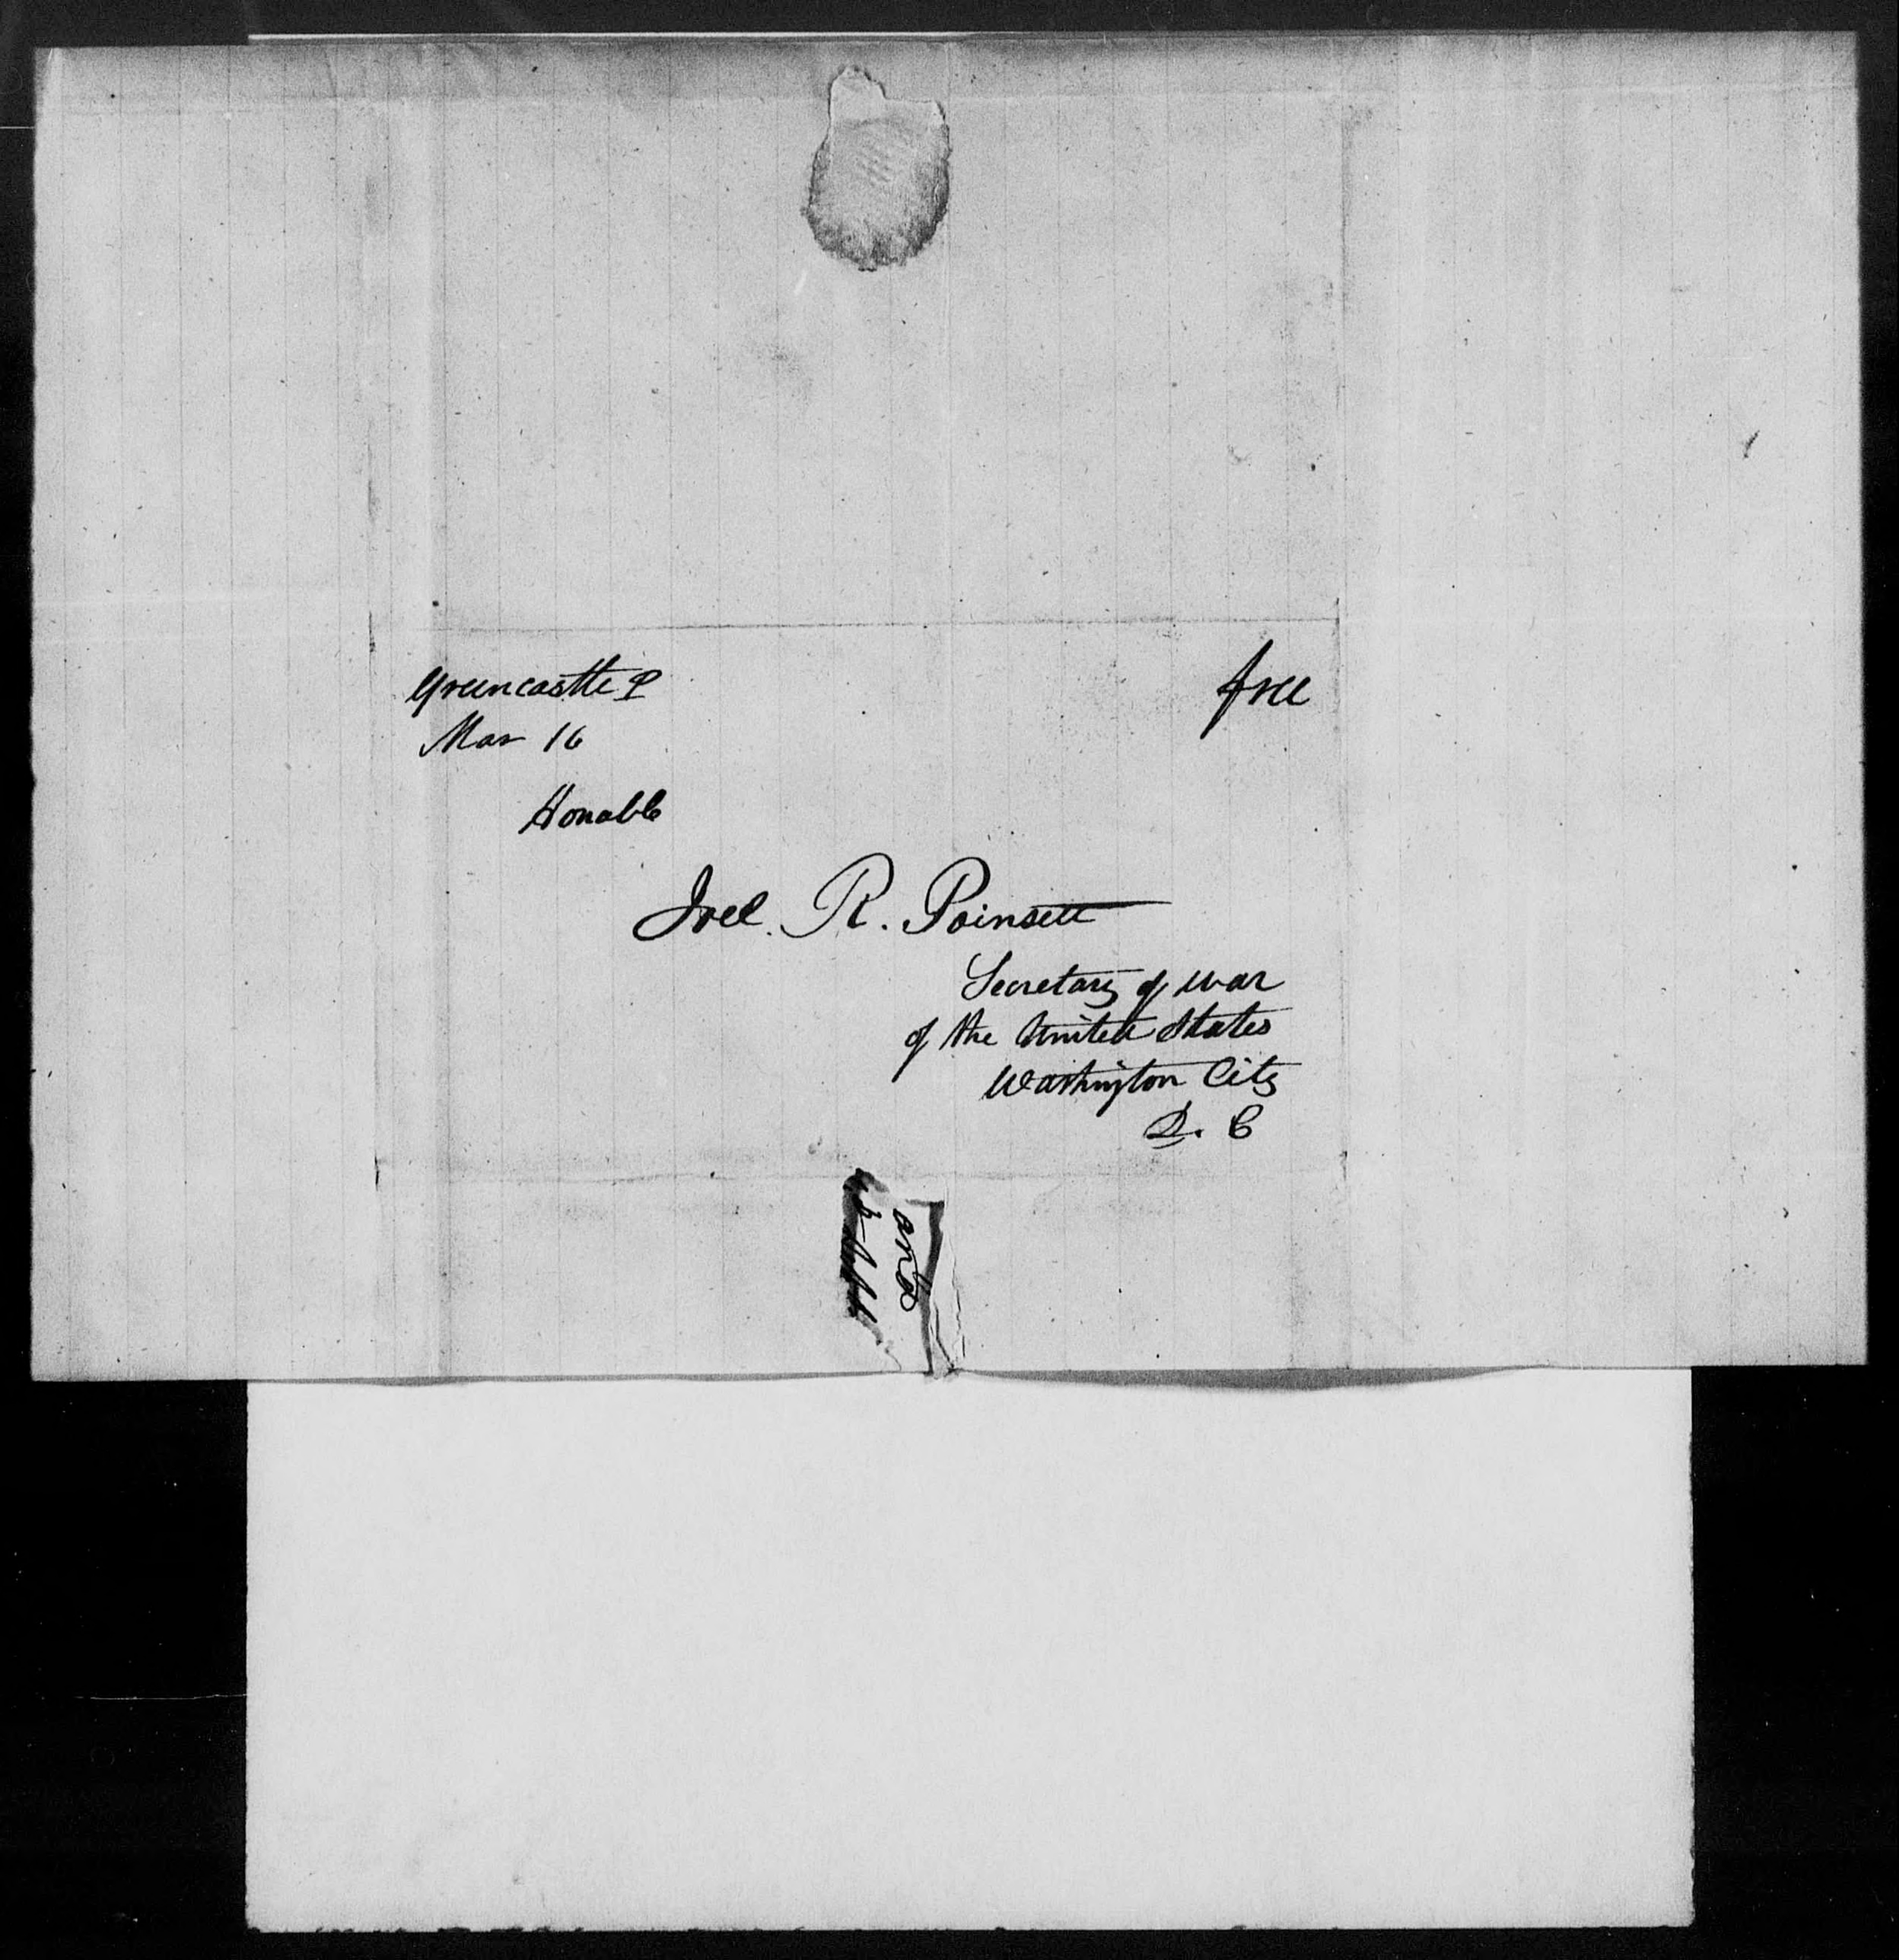[envelope]
Greencastle P        free
Mar 16

Honable
Joel R Poinsett
Secretary of War
of the United States
Washington City
D. C.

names: Joel R Poinsett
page: 16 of 22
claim: survivor's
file: S. 9,199, George Corley, Md.